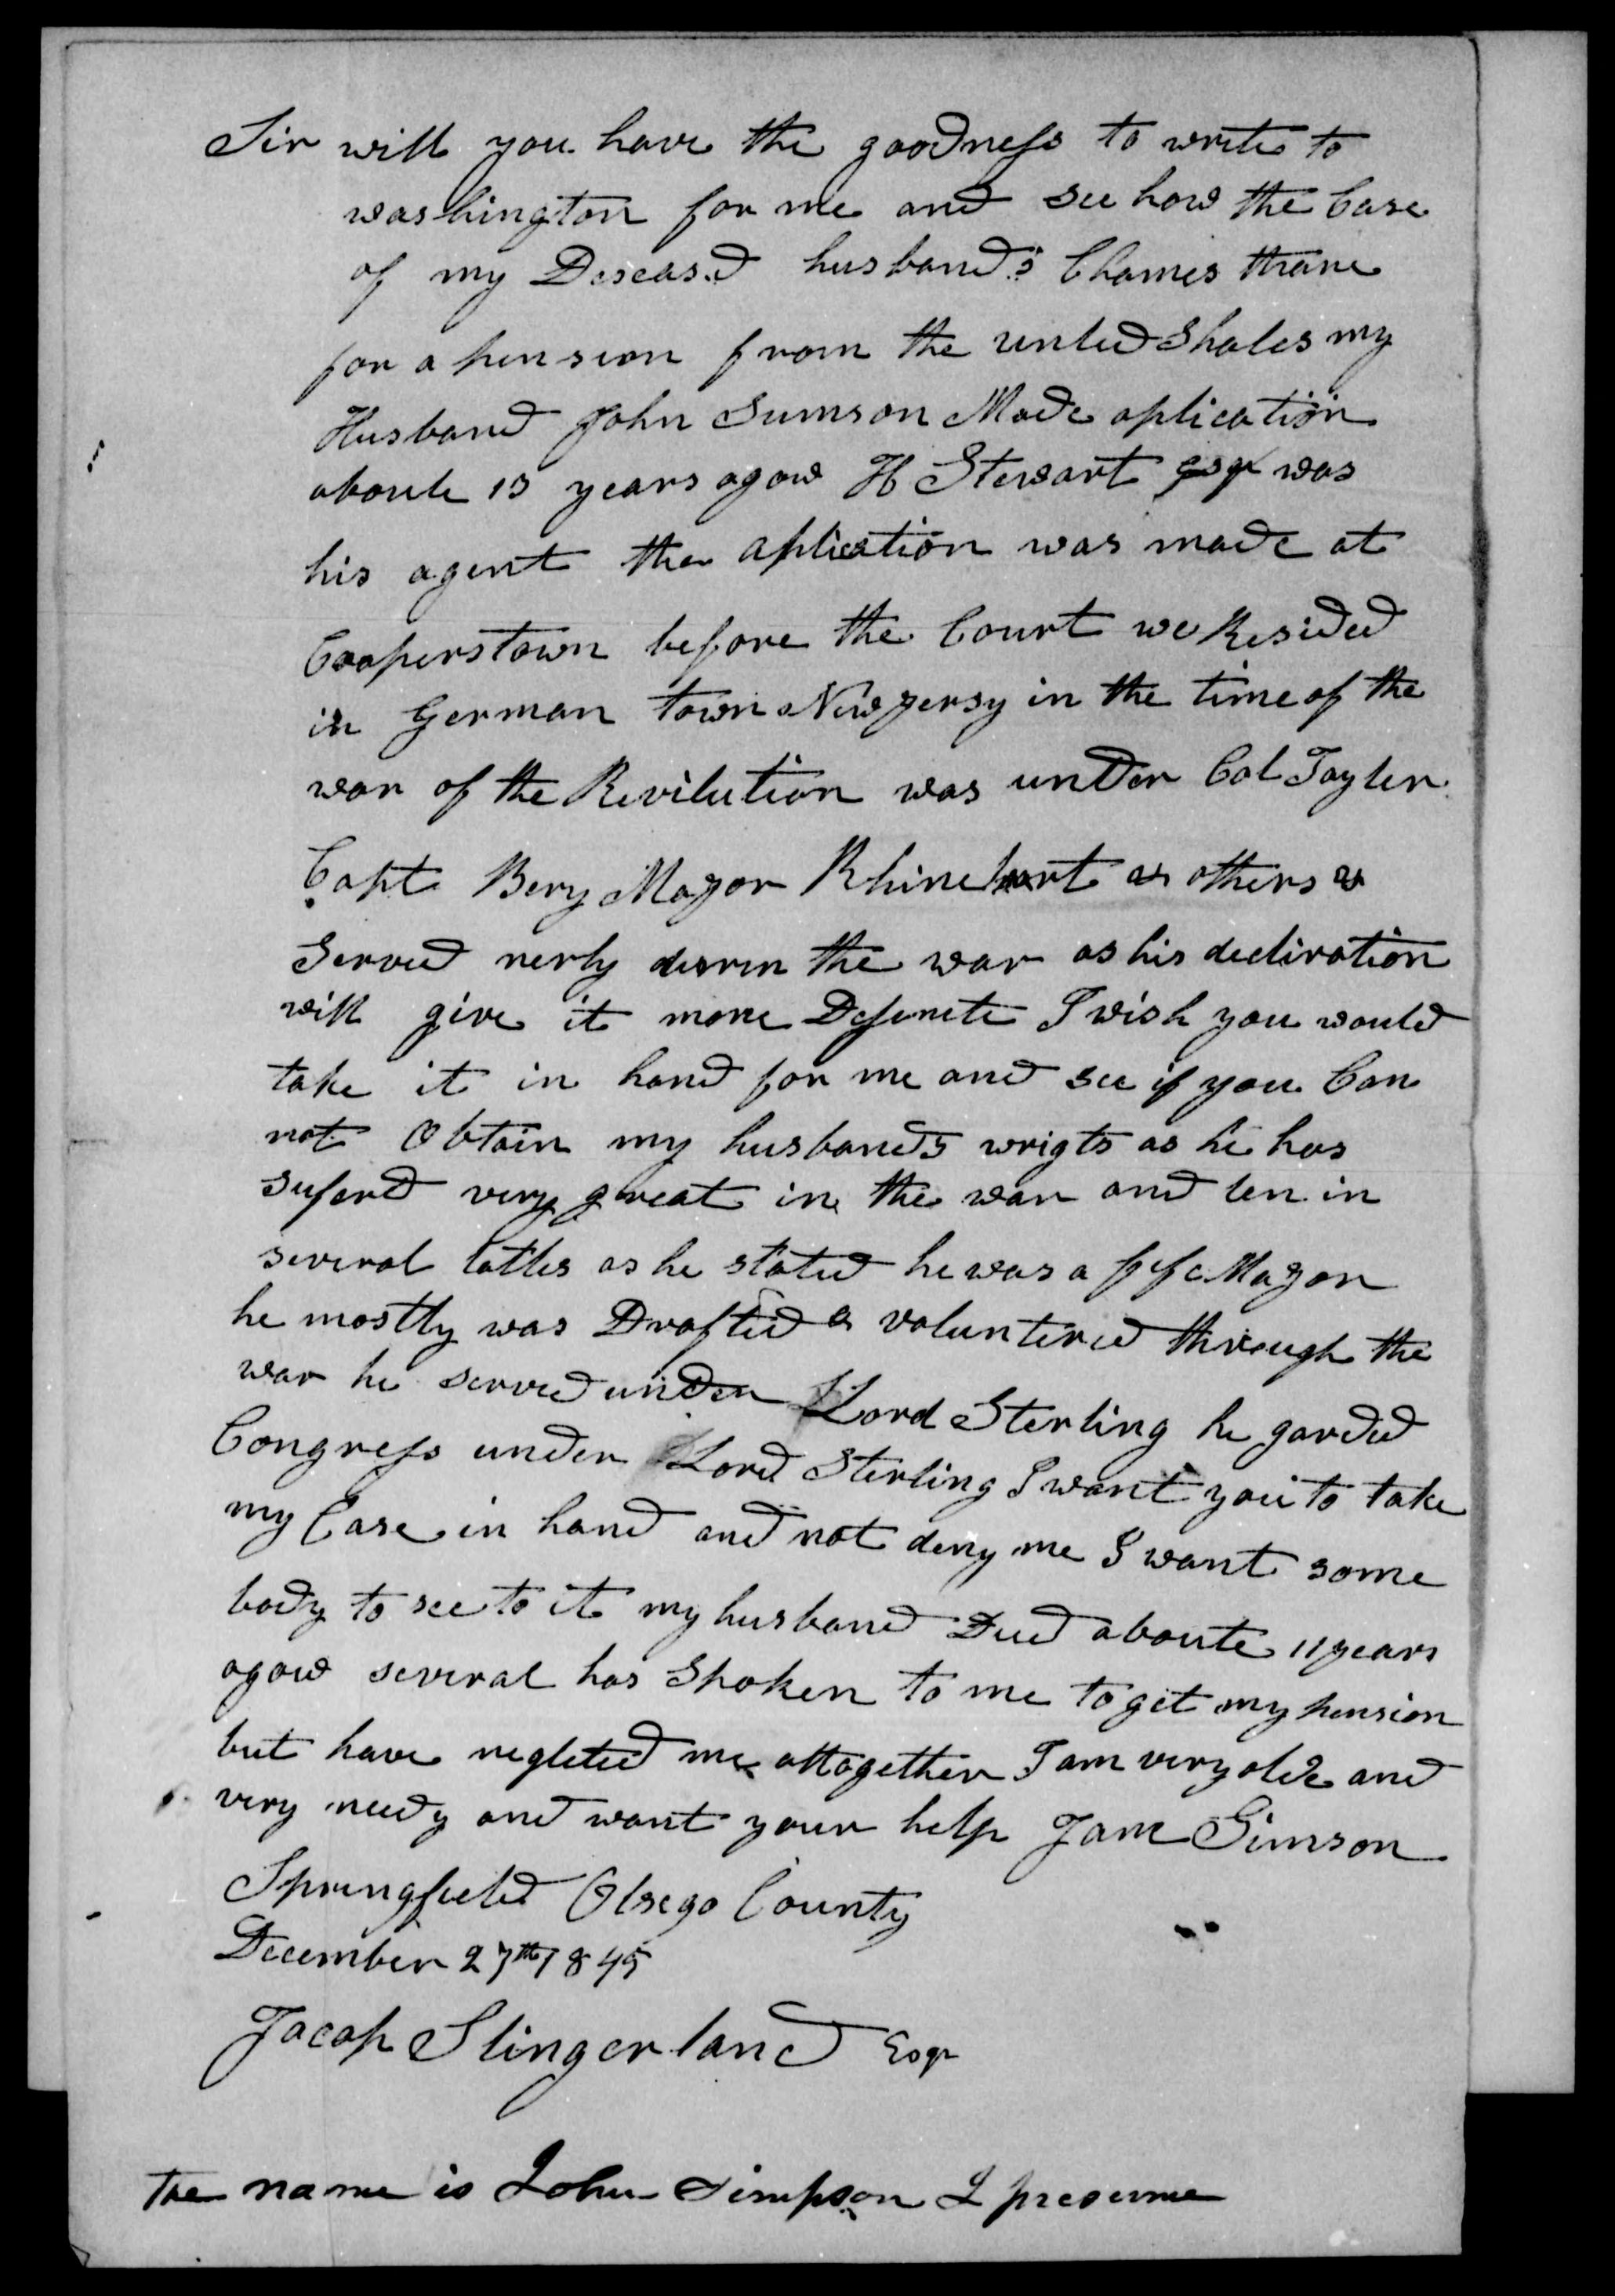Sir
will you have the goodness to write to
Washington for me and see how the case
of my Deceased husbands Claims there
for a pension from the United States my
Husband John Simson Made aplication [application] about 10 years agone H Stewart was his agent the aplication [application]  was made at Cooperstown before the Court we resided in German town New Jersey in the time of the war of the Revilution [Revolution] was under Col Taylor Capt Bery Major Rhinehart and others & Served nerby [nearby] durin [during] the war as his declaration will give it more definite  I wish you would take it in hand for me and see if you can not obtain my husbands wrigts [rights] as he has suffered very great in the war and be[e]n in several battles as he stated he was a fife Major he mostly was Drafted & volunte[e]red through the war he served under Lord Steirling  I want you to take
my Case in hand and not deny me I want somebody to see to it my husband died about 11 years ago several has spoken to me to get my pension but have neglected me altogether  I am very needy and want your help 
Jane Simson
Springfield Otsego County
December 27th 1845

Jacob Slingerland Esqr

The name is John Simpson In presence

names: [BLANK] Bery; John Sumson; [BLANK] Rhinehart; Jane Simson; Lord Sterling; Lord Sterling; Jacob Slingerland; [BLANK] Taylor; John Simpson; H Stewart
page: 34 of 35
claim: rejected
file: R. 9601, for John Simson, New Jersey